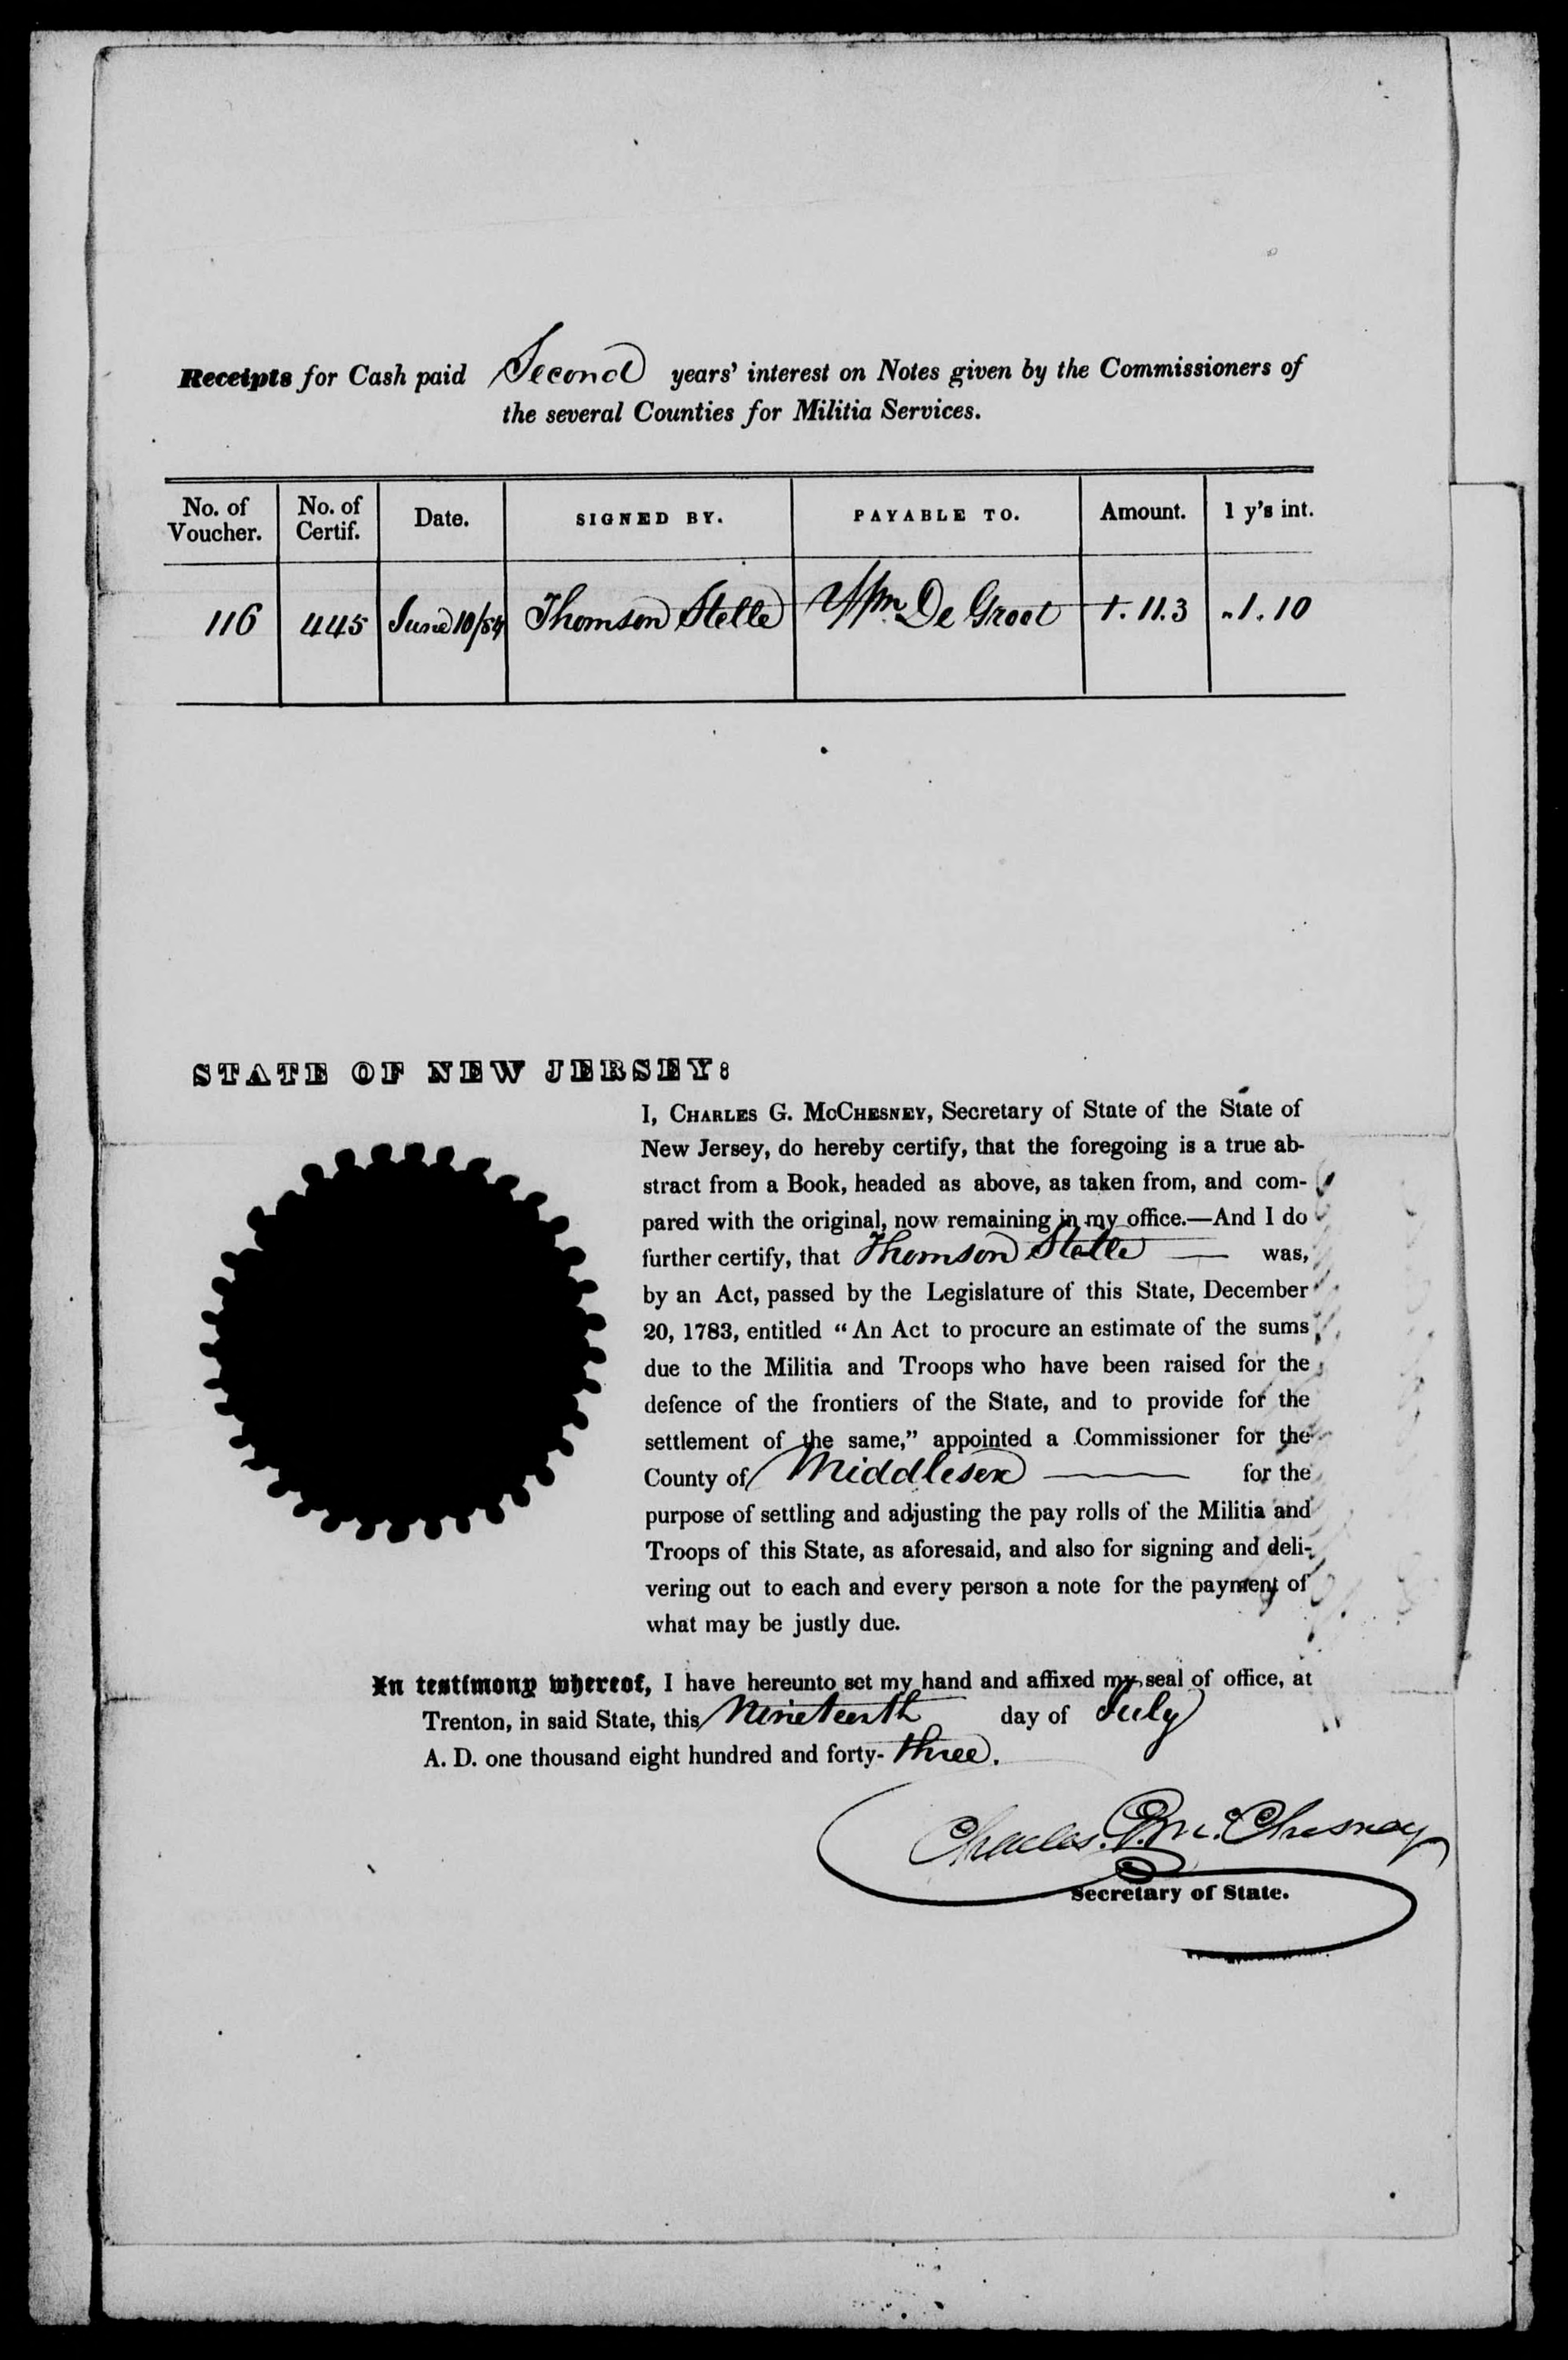Receipts for Cash paid Second years' interest on Notes given by the Commissioners of the several Counties for Militia Services

table with seven columns
Column #1: No. of Voucher. 116| Column #2 No of Certif.: 445 | Column #3: Date. June 10/84 | Column # 4: SIGNED BY. Thomson Stelle | Column #5: PAYABLE TO. Wm De Groot | Column #6: Amount. 1.11.3 | Column # 7 1 y's int. 1.10
STATE OF NEW JERSEY:
I, CHARLES G. MCCHESNEY, Secretary of State of the State of New Jersey, do hereby certify, that the foregoing is a true abstract from a Book, headed as above, as taken from, and compared with the original, now remaining in my office. - And I do further certify, that Thomson Stelle was, by an Act, passed by the Legislature of this State, December 20, 1783, entitled "An Act to procure an estimate of the sums due to the Militia and Troops who have been raised for the defence of the frontiers of the State, and to provide for the settlement of the same" appointed a Commissioner for the County of Middlesex for the purpose of settling and adjusting the pay rolls of the Militia and Troops of this State, as aforesaid, and also for signing and delivering out to each and every person a note for the payment of what may be justly due.
In testimony whereof, I have hereunto set my hand and affixed my seal of office, at Trenton, in said State, this nineteenth day of July A.D. one thousand eight hundred and forty-three.
Charles G McChesney Secretary of State.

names: Wm De Groot, Thomson Stelle, Thomson Stelle, Charles G Mc Chesney, Charles G Mc Chesney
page: 56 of 77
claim: widow's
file: W. 417, William De Groot, New Jersey